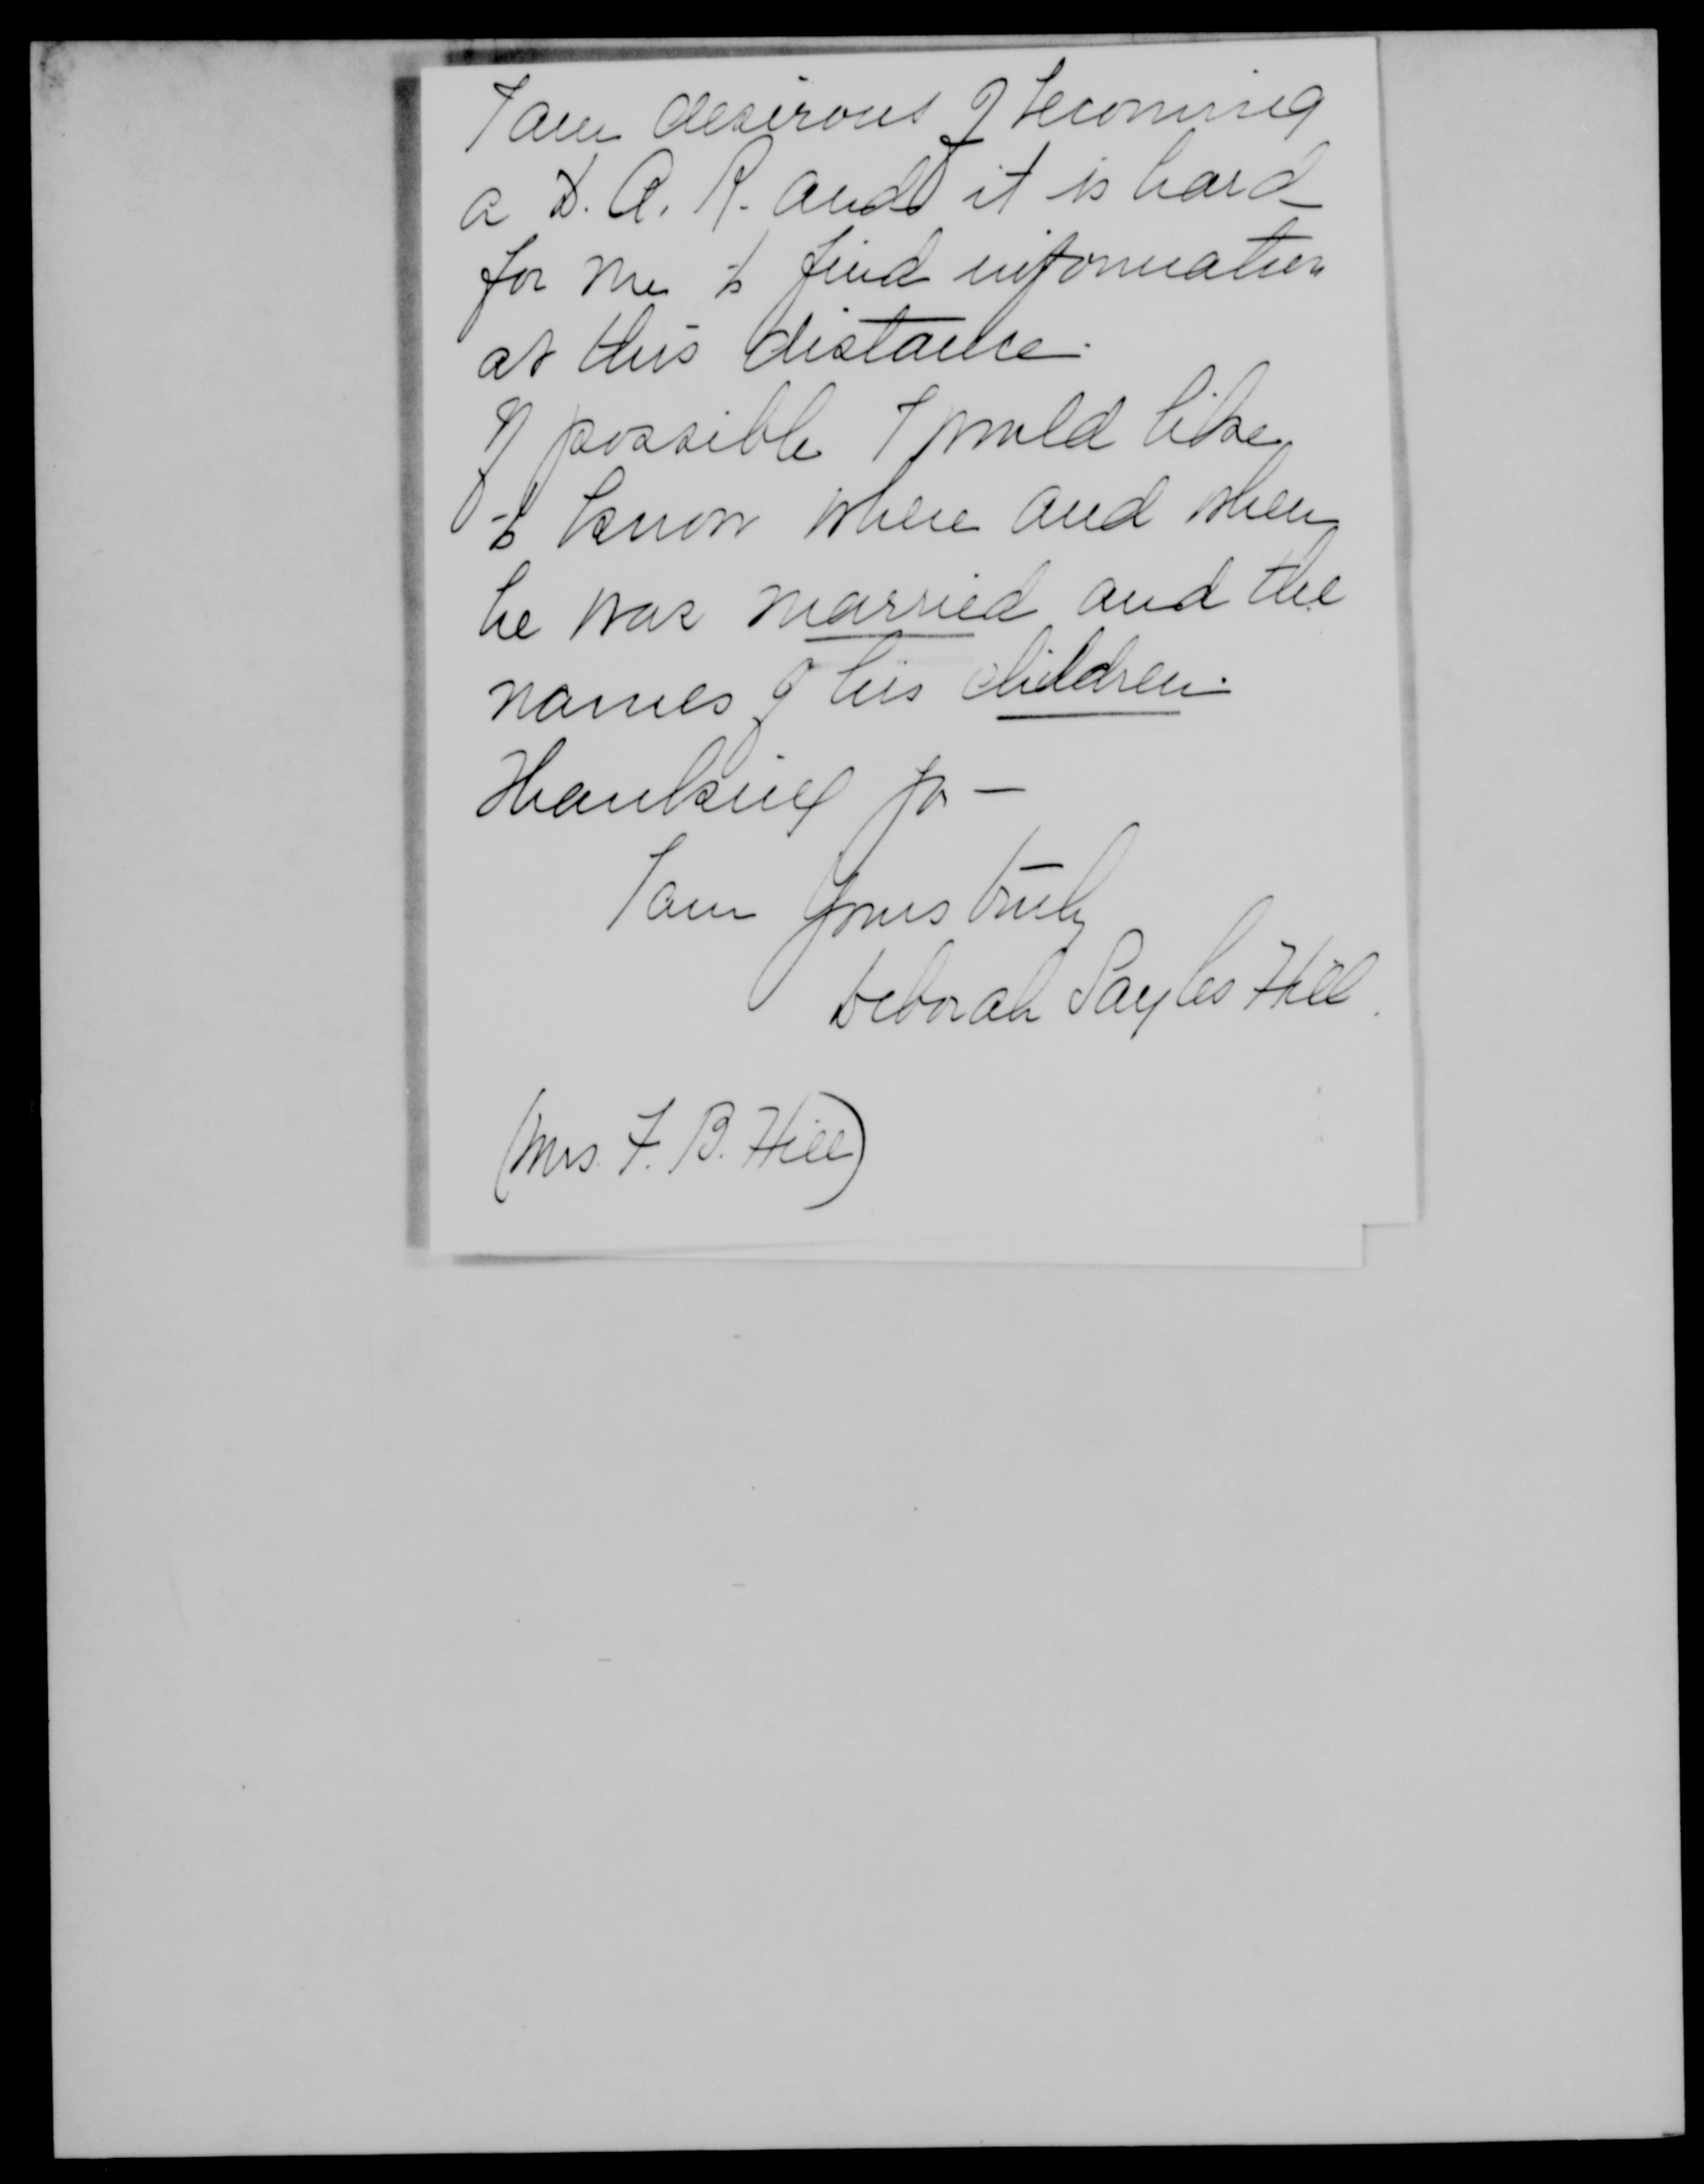I am desirous of becoming
a D.A.R. and it is hard
for me to find information
at this distance.
If possible would like
know where and when
he was married and the
names of his children.
Thanked you-
Sam Jones truly
Deborah Sayles Hill
Mrs. F. B. Hill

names: F B Hill, Deborah Sayles Hill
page: 37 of 39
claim: widow's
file: W. 26046, Thomas Willcox, R.I.